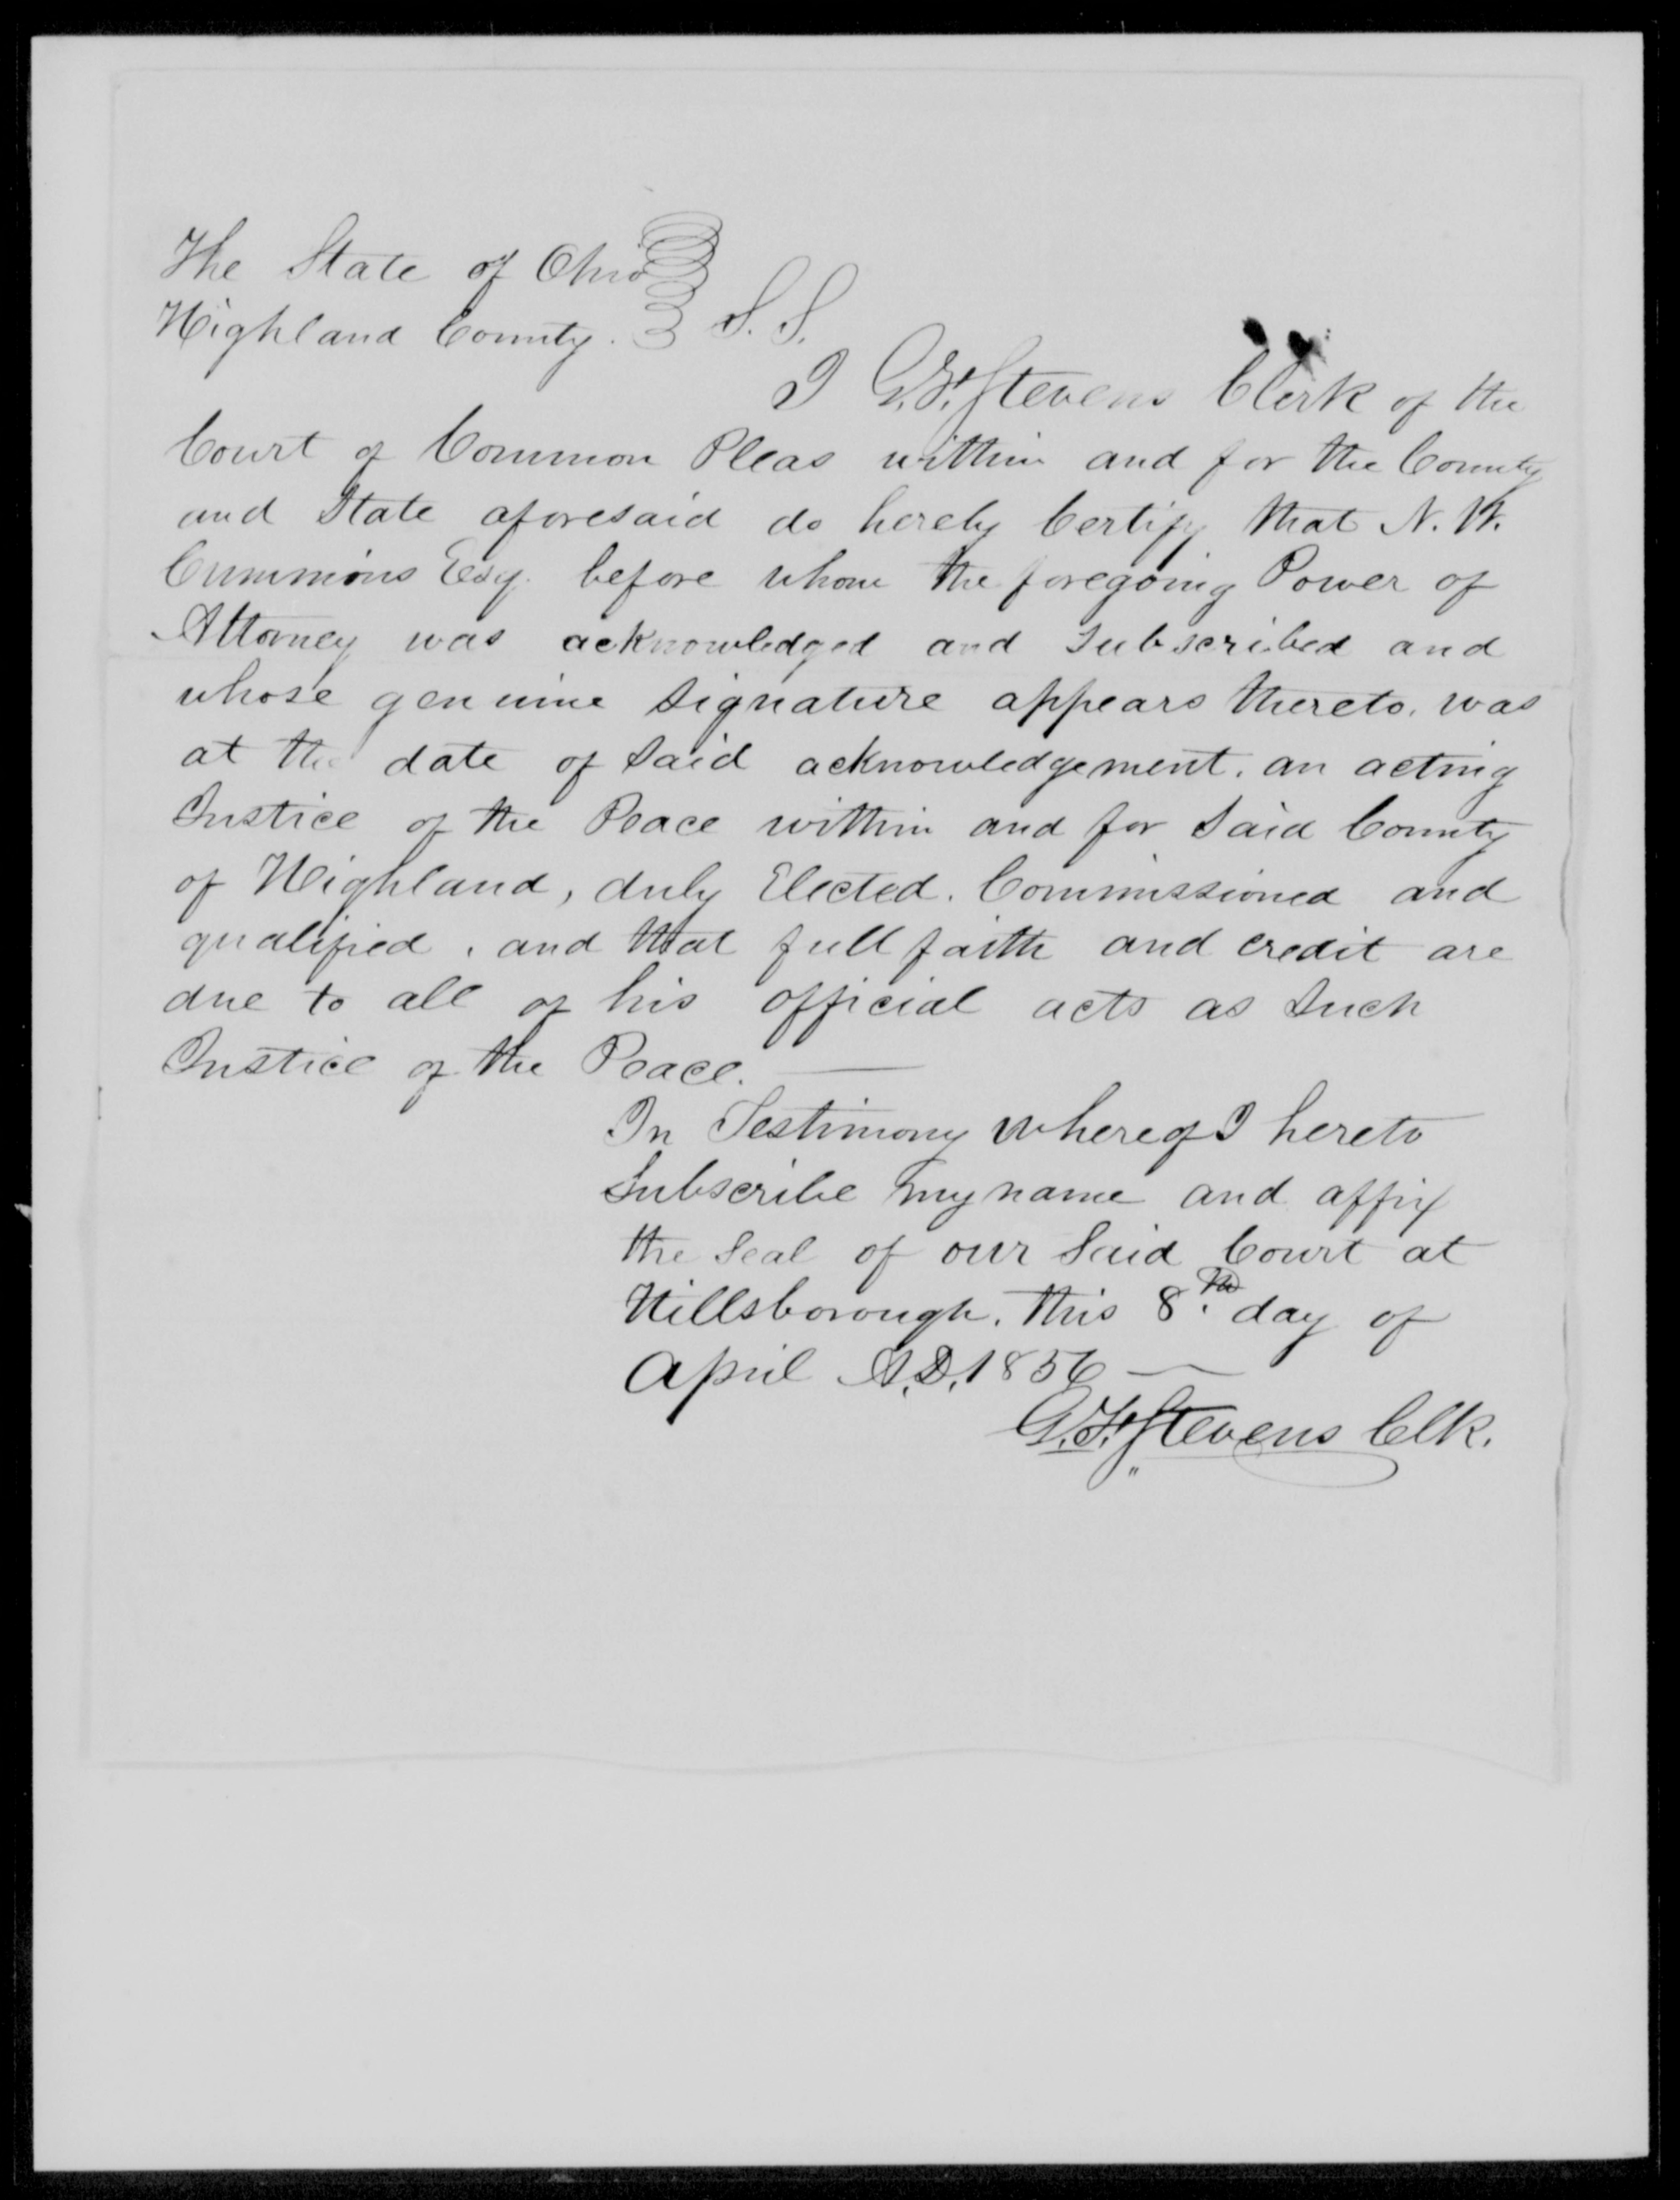The State of Ohio
Highland County. 
I, G. F. Stevens, Clerk of the Court of Common Pleas within and for the County and State aforesaid do hereby certify that N.W. Cummins, Esq. before whom the foregoing Power of Attorney was acknowledged and subscribed and whose genuine signature appears thereto, was at the date of said acknowledgement, an acting Justice of the Peace within and for said County of Highland, duly Elected Commissioned and qualified, and that full faith and credit are due to all of his official acts as such Justice of the Peace.
In Testimony whereof I hereto subscribe my name and affix the seal of our said Court at Hillsborough, this 8th day of April A.D 1856. 
G. F. Stevens, Clerk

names: N W Cummins, G F Stevens, G F Stevens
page: 3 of 37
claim: rejected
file: R. 11047, David Walker, N.C.